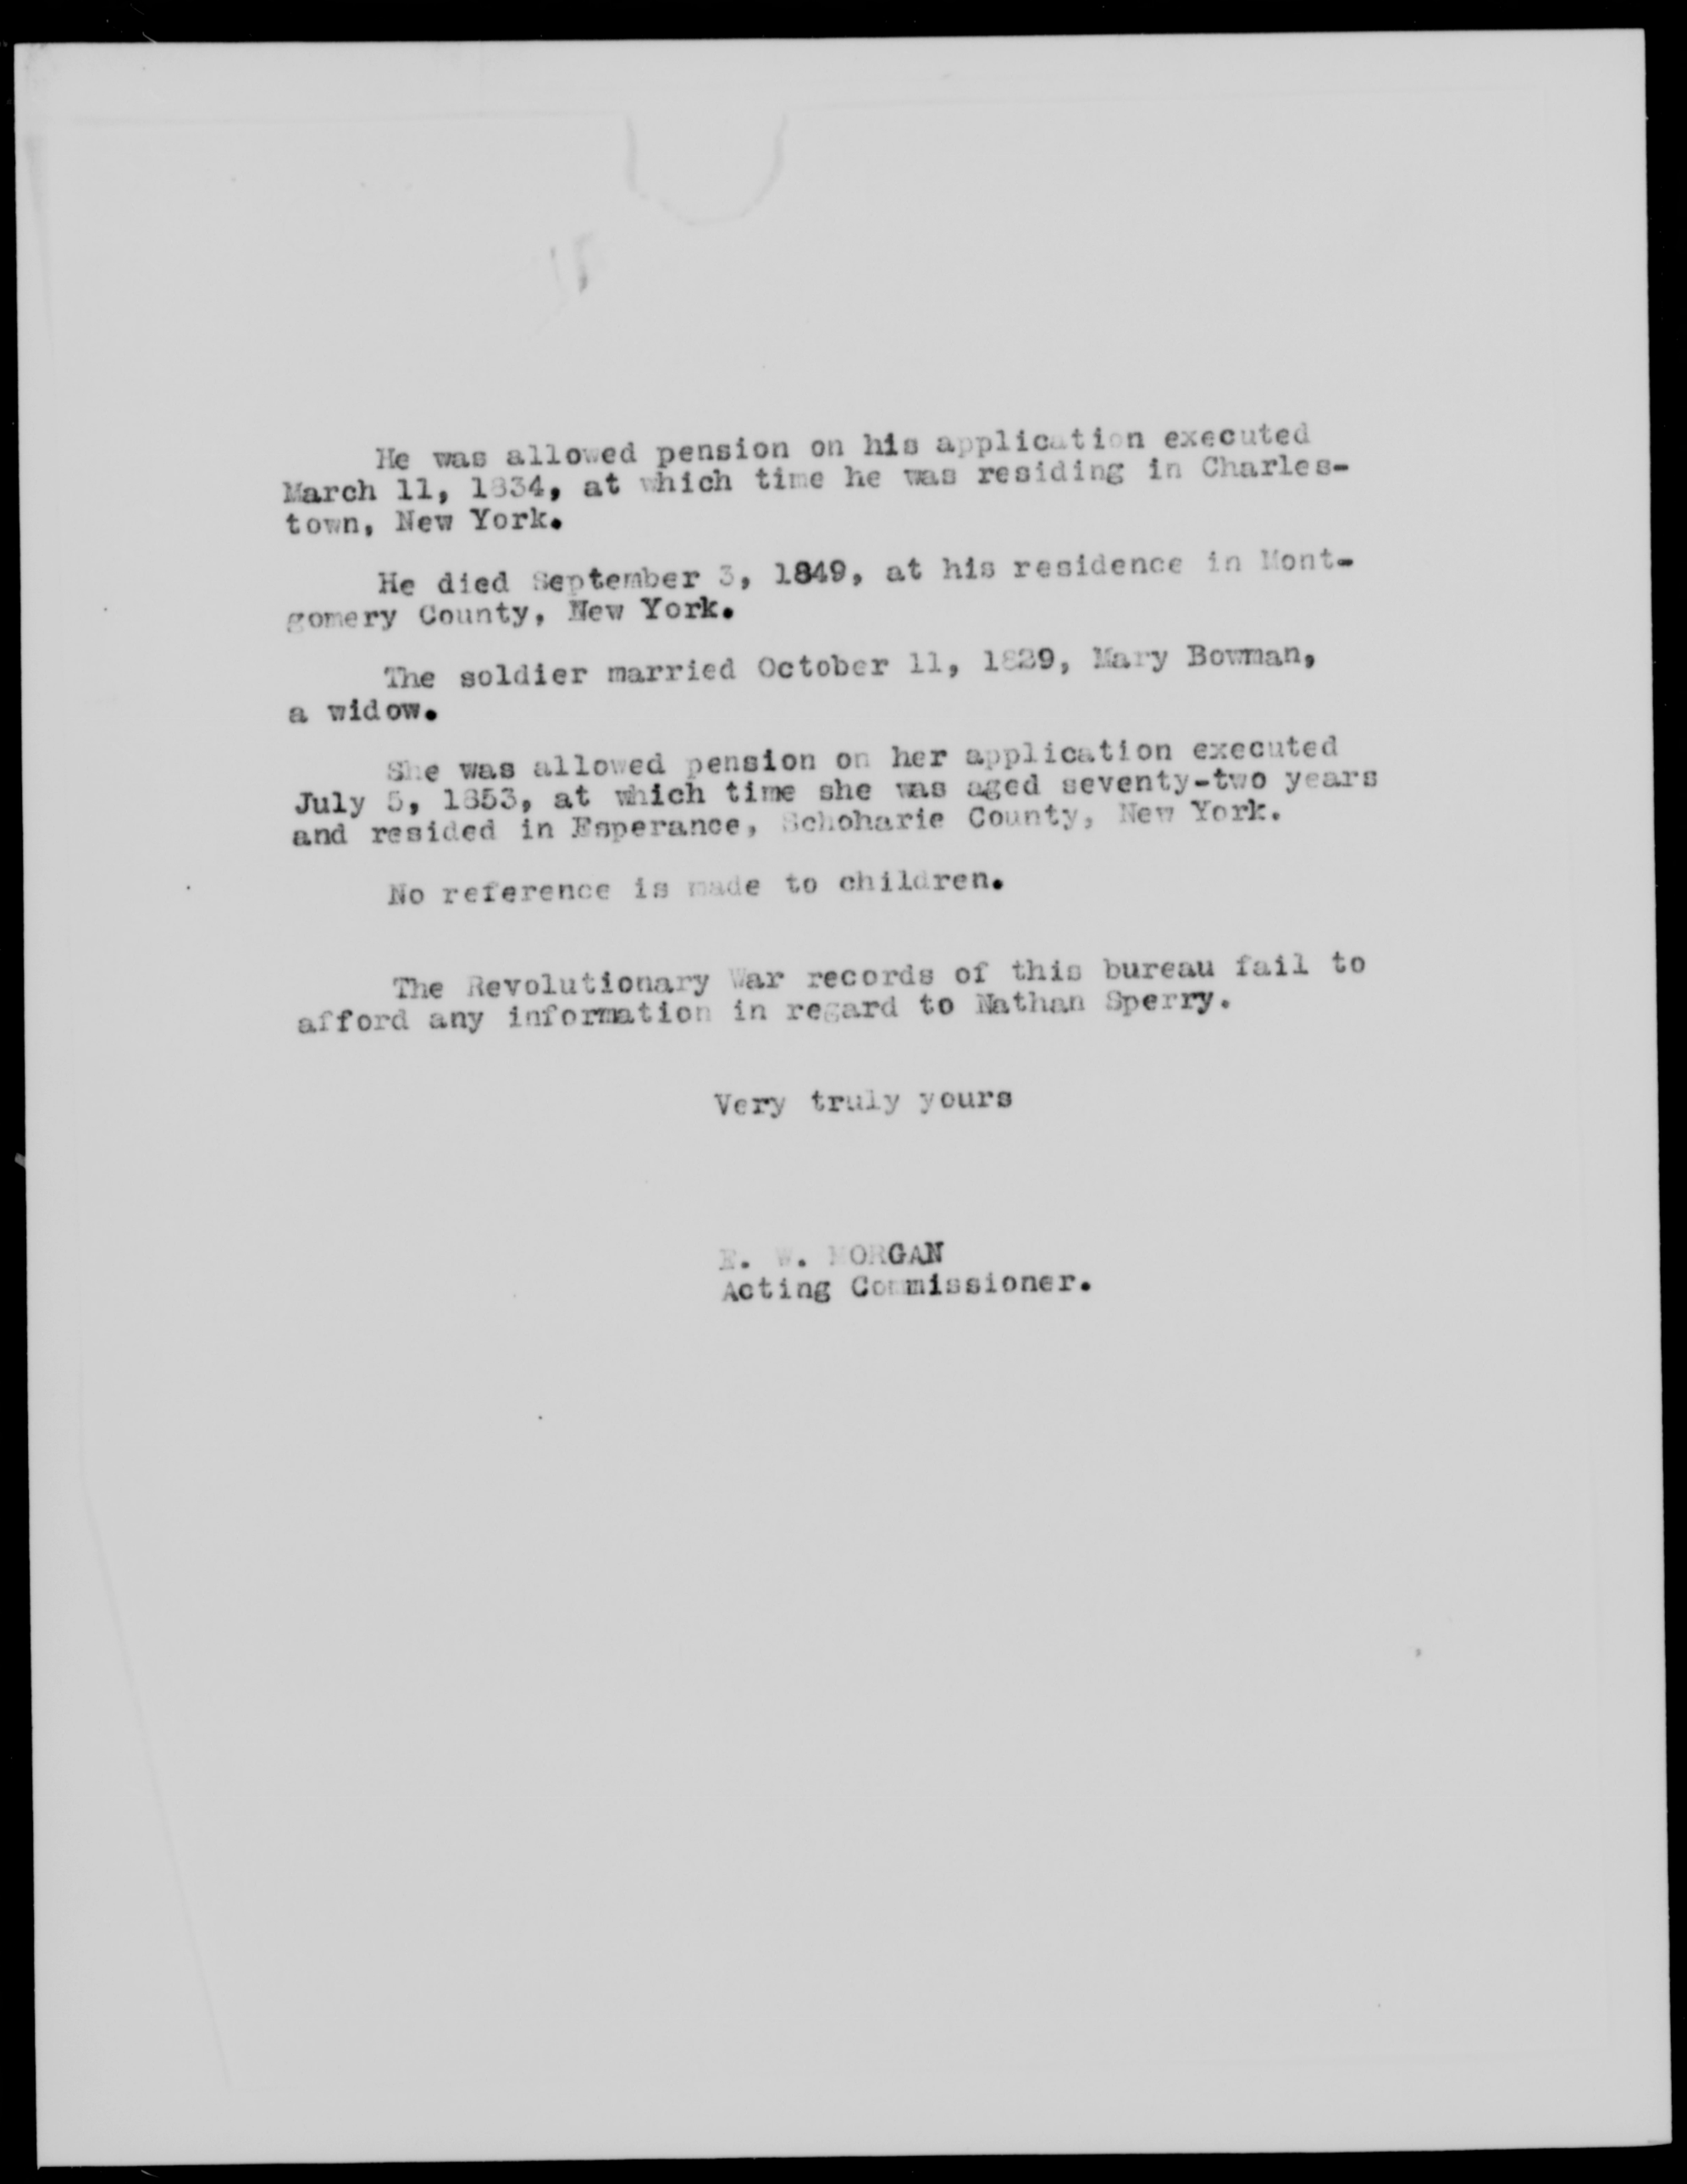He was allowed pension on his application executed
March 11, 1834, at which time he was residing in Charlestown
He died September 3, 1849, at his residence in Montgomery
County, New York.
The soldier married October 11, 1829, Mary Bowman
a widow.
and resided in Esperance, Schoharie County, New York.
No reference is made to children.
She was allowed pension on her application executed
July 5, 1853, at which time she was aged seventy-two years
The Revolutionary War records of this bureau fail to
afford any information in regard to Nathan Sperry.
Very truly yours
E. W. MORGAN
Acting Commissioner.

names: E W Morgan, Mary Bowman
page: 27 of 67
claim: widow's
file: W. 7379, George Young, New Jersey